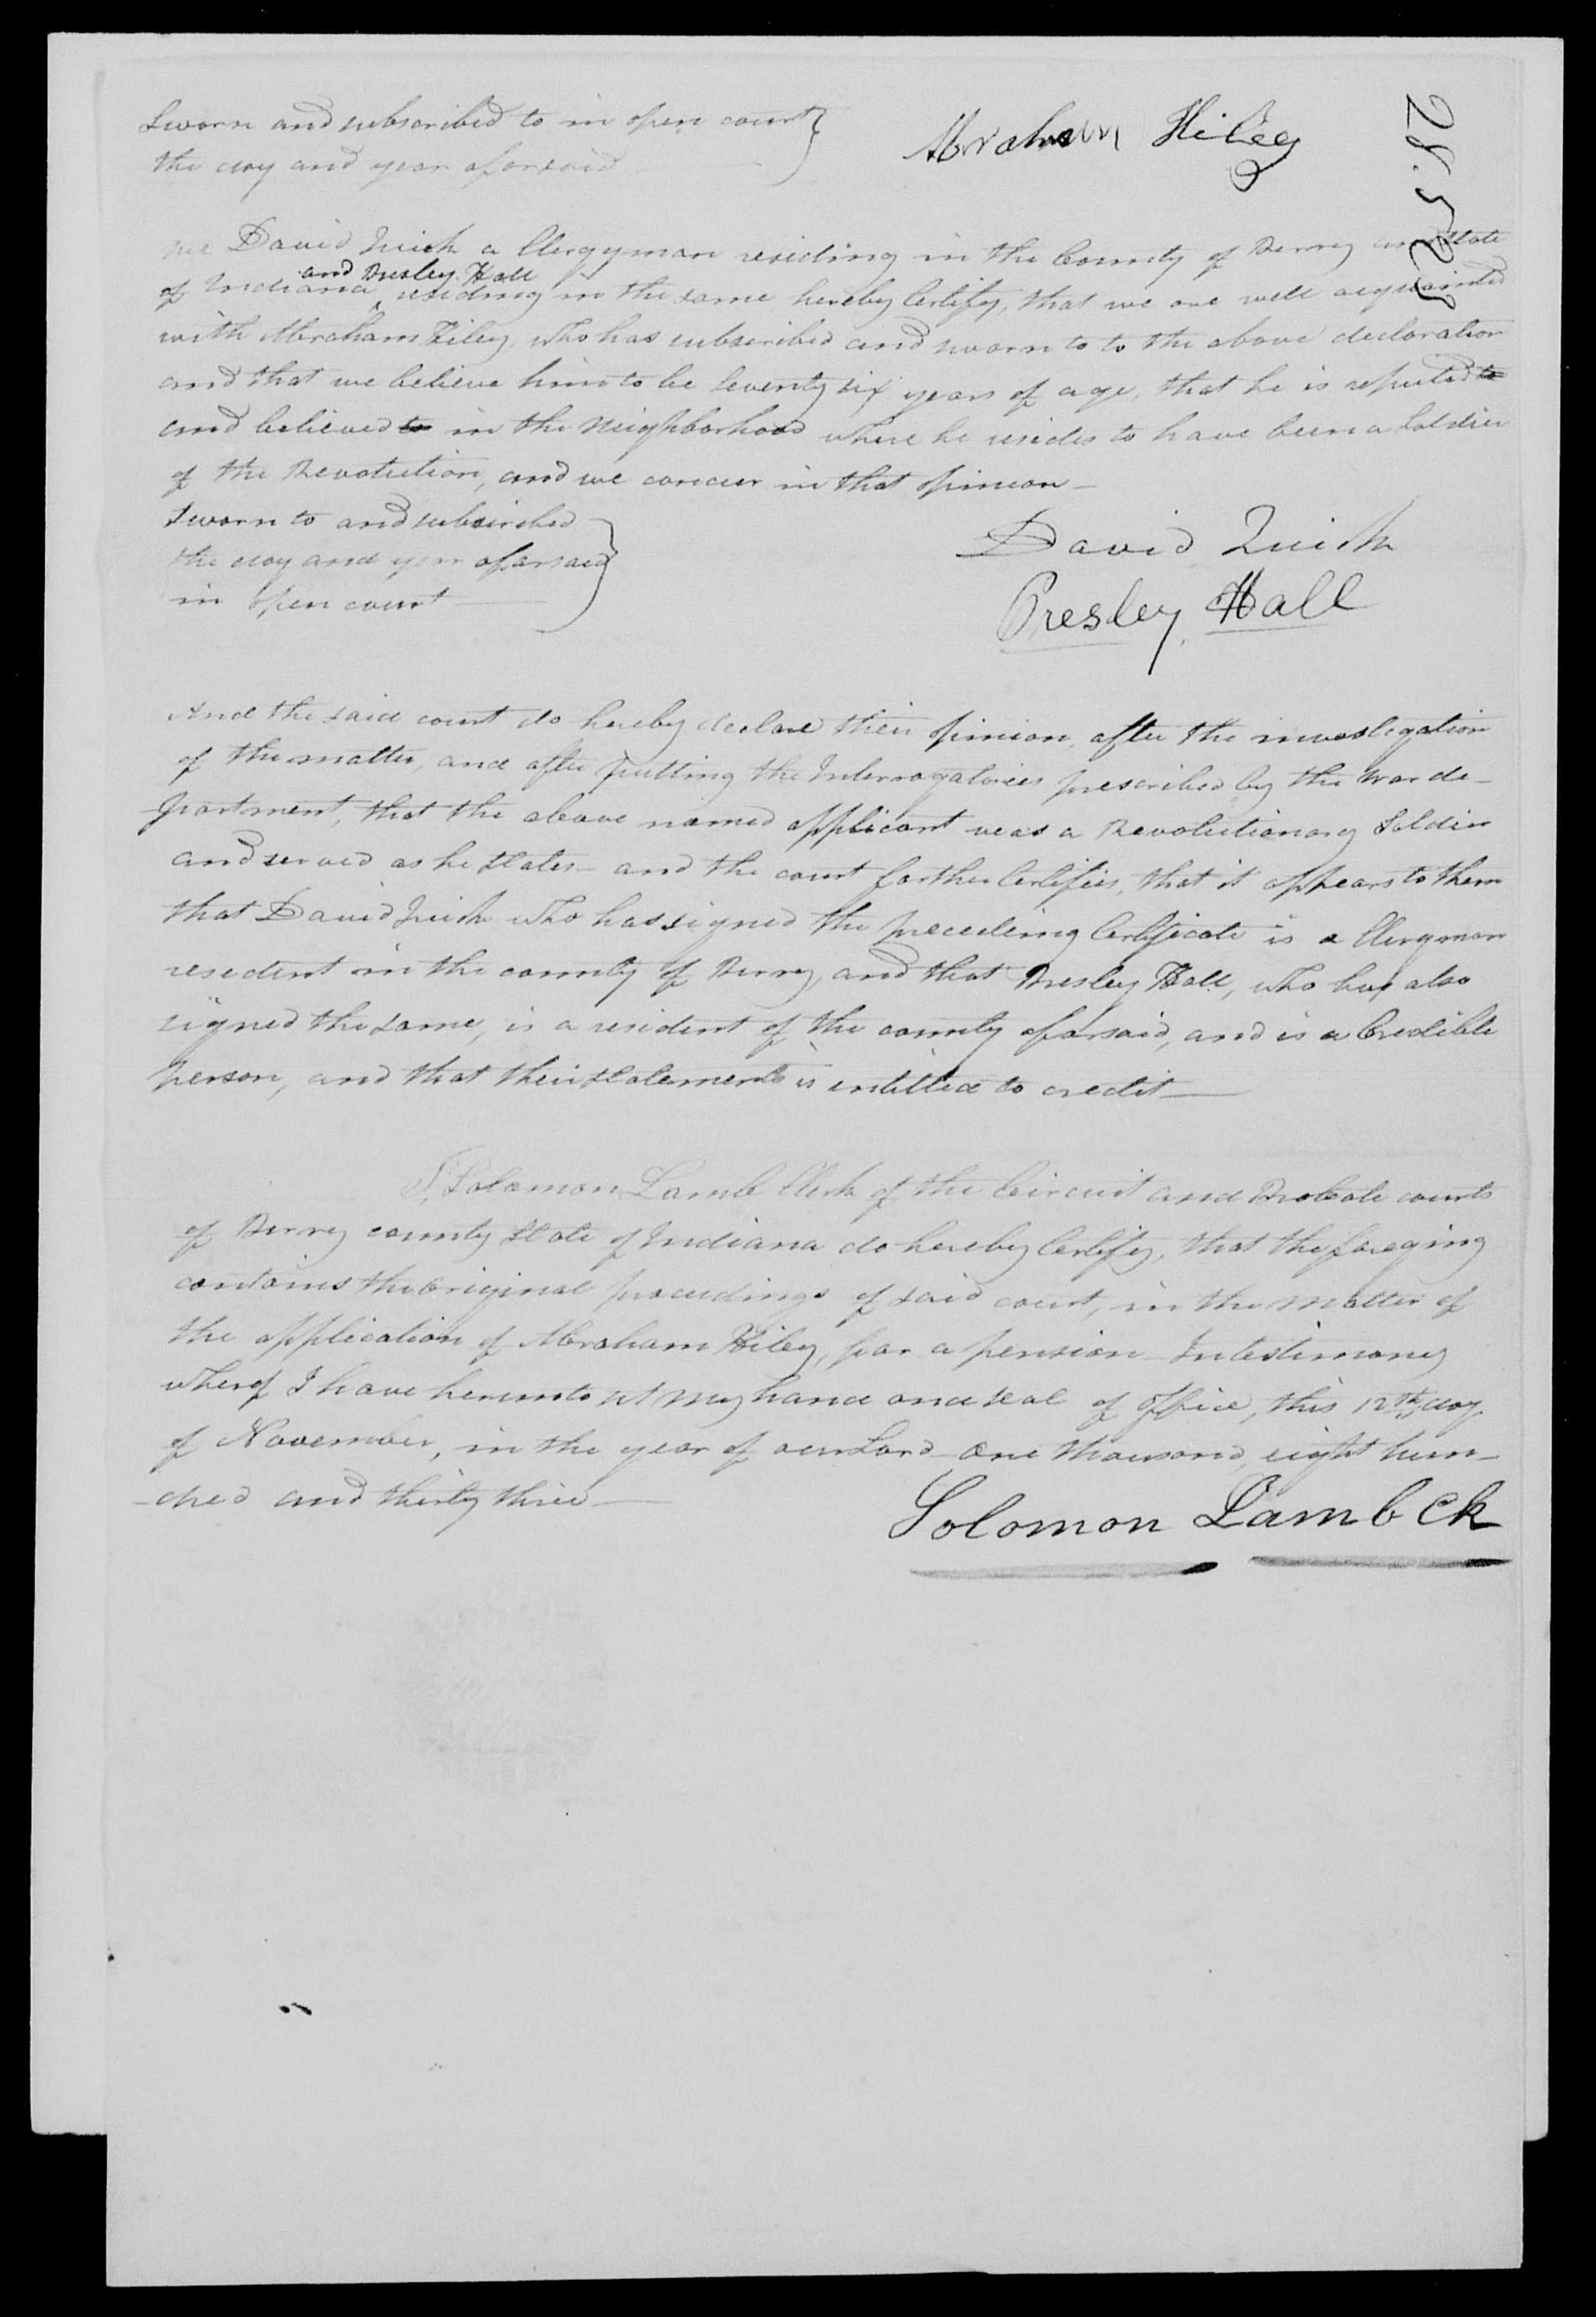Sworn and subscribed to in open court
the day and year aforsaid
Abraham Hiley

Me David Quick a Clergyman residing in the County of Derry in the state of Indiana and Presley Hall residing in the same hereby Certify, that we are well acquainted with Abraham Hiley, who has subscribed and sworn to the above declaration and believed in the neighborhood where he resides to have been a soldier of the Revolution, and we concur in that opinion.
Sworn to and subscribed the day and year 
aforsaid in open court
David Quick
Presley Hall

And the said court do hereby declare their opinion after the investigation of the matter, and after putting the Interrogatories prescribed by the war department, that the above named applicant was a Revolutionary Soldier and [illegible] as he states, and the court further Certifies that it appears to them David Quick who has signed the proceeding Certificate is a Clergyman resident in the County of Derry, and that Presley Hall, who has also signed the same, is a resident of the county aforsaid, and is a Credible person, and that their statement is entitled to credit.

I, Soloman Lamb Clerk of the Circuit and Probate courts of Derry county State of Indiana do hereby Certify, that the foregoing contains the original proceedings of said court, in the matter of the application of Abraham Hiley, for a pension testimony whereof I have hereunto with my hand and seal of office, this 12th day of November, in the year of our Lord one thousand eight hundred and thirty three

Solomon Lamb  Ck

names: Abraham Hiley, Abraham Hiley, Abraham Hiley, Presley Hall, Presley Hall, Solomon Lamb, David Quick, Presley Hall, Solomon Lamb, David Quick, David Quick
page: 10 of 18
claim: survivor's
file: S. 31744, Abraham Hiley, Penn.